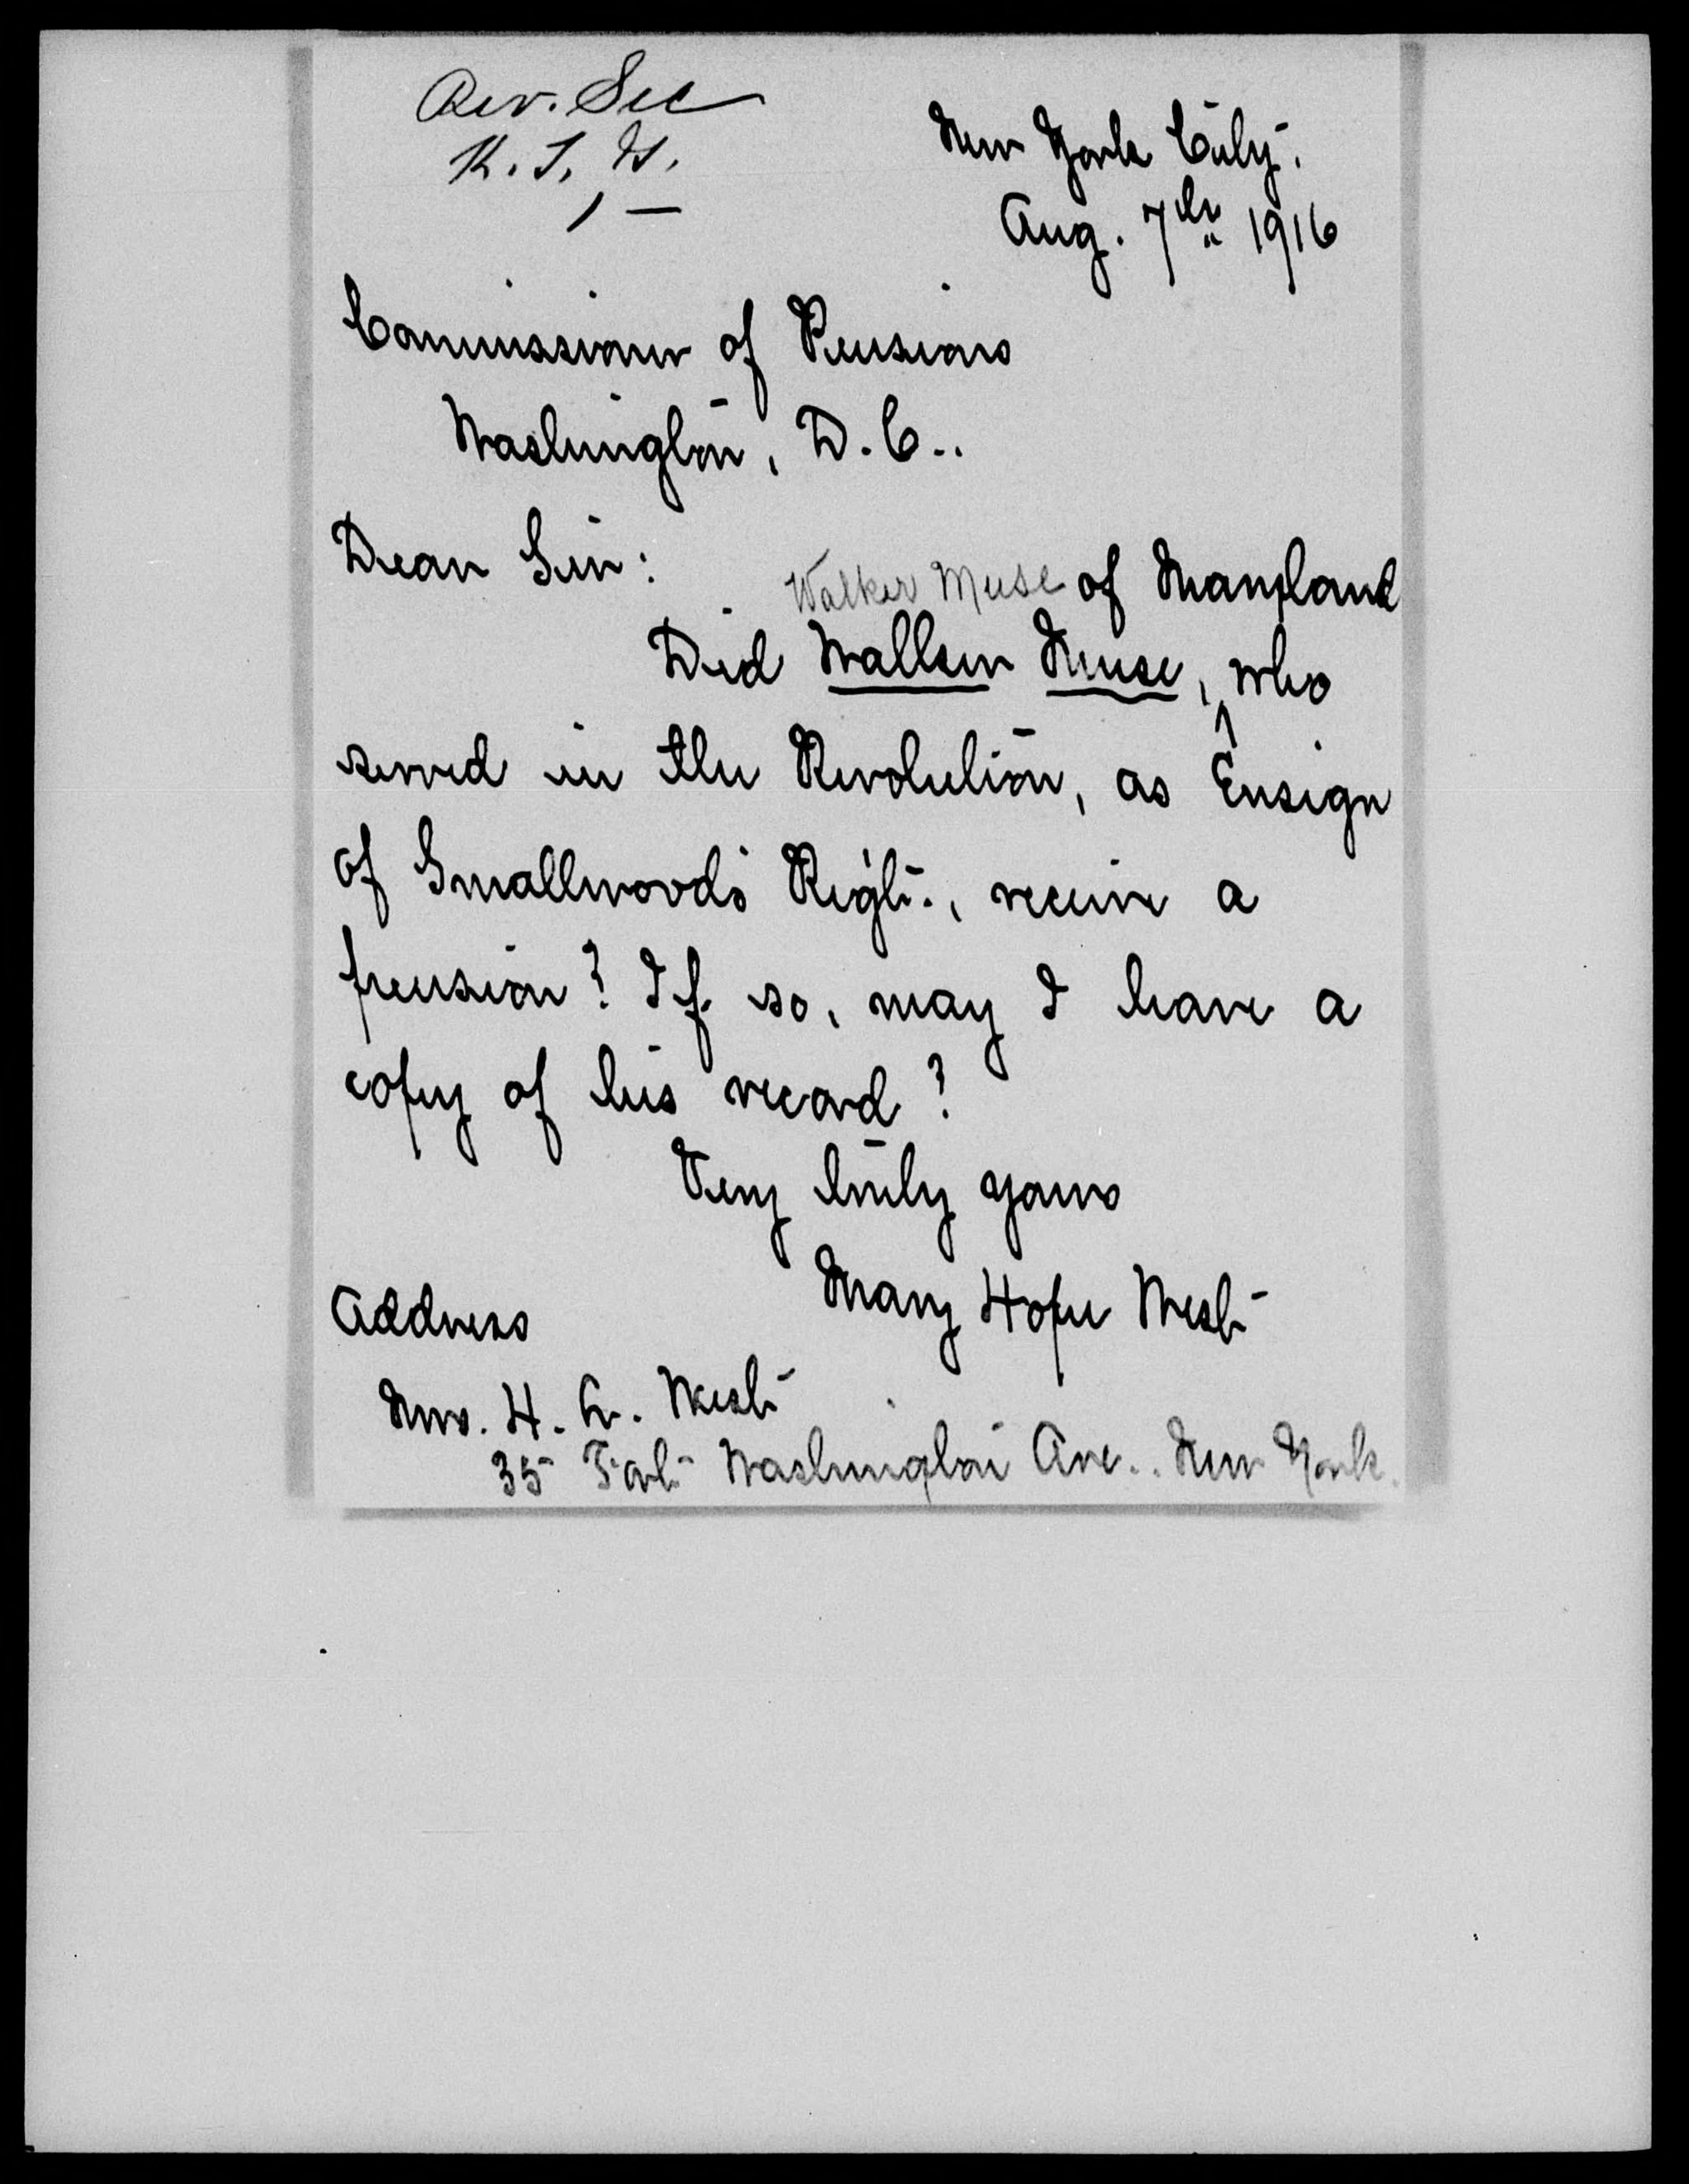Commissioner of Pensions,
Washington, D.C.
Dear Sir:
Did Walter Muse of Brandywine serve in the Revolution, as Ensign of Smallwood's Regt., receive a pension? If so, may I have a copy of his record?
Very truly yours,
(Mrs.) H. H. Neall-
235 Park Washington Court, New York.
Rev.Sec.
4.T.36.
From: York Colony.
Date: Aug. 14th 1916.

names: Walker Muse; [BLANK] Smallwood; Mary Hope West; H A West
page: 2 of 5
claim: bounty land warrant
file: B. L. Wt. 1485-300, for Walker Muse, Maryland